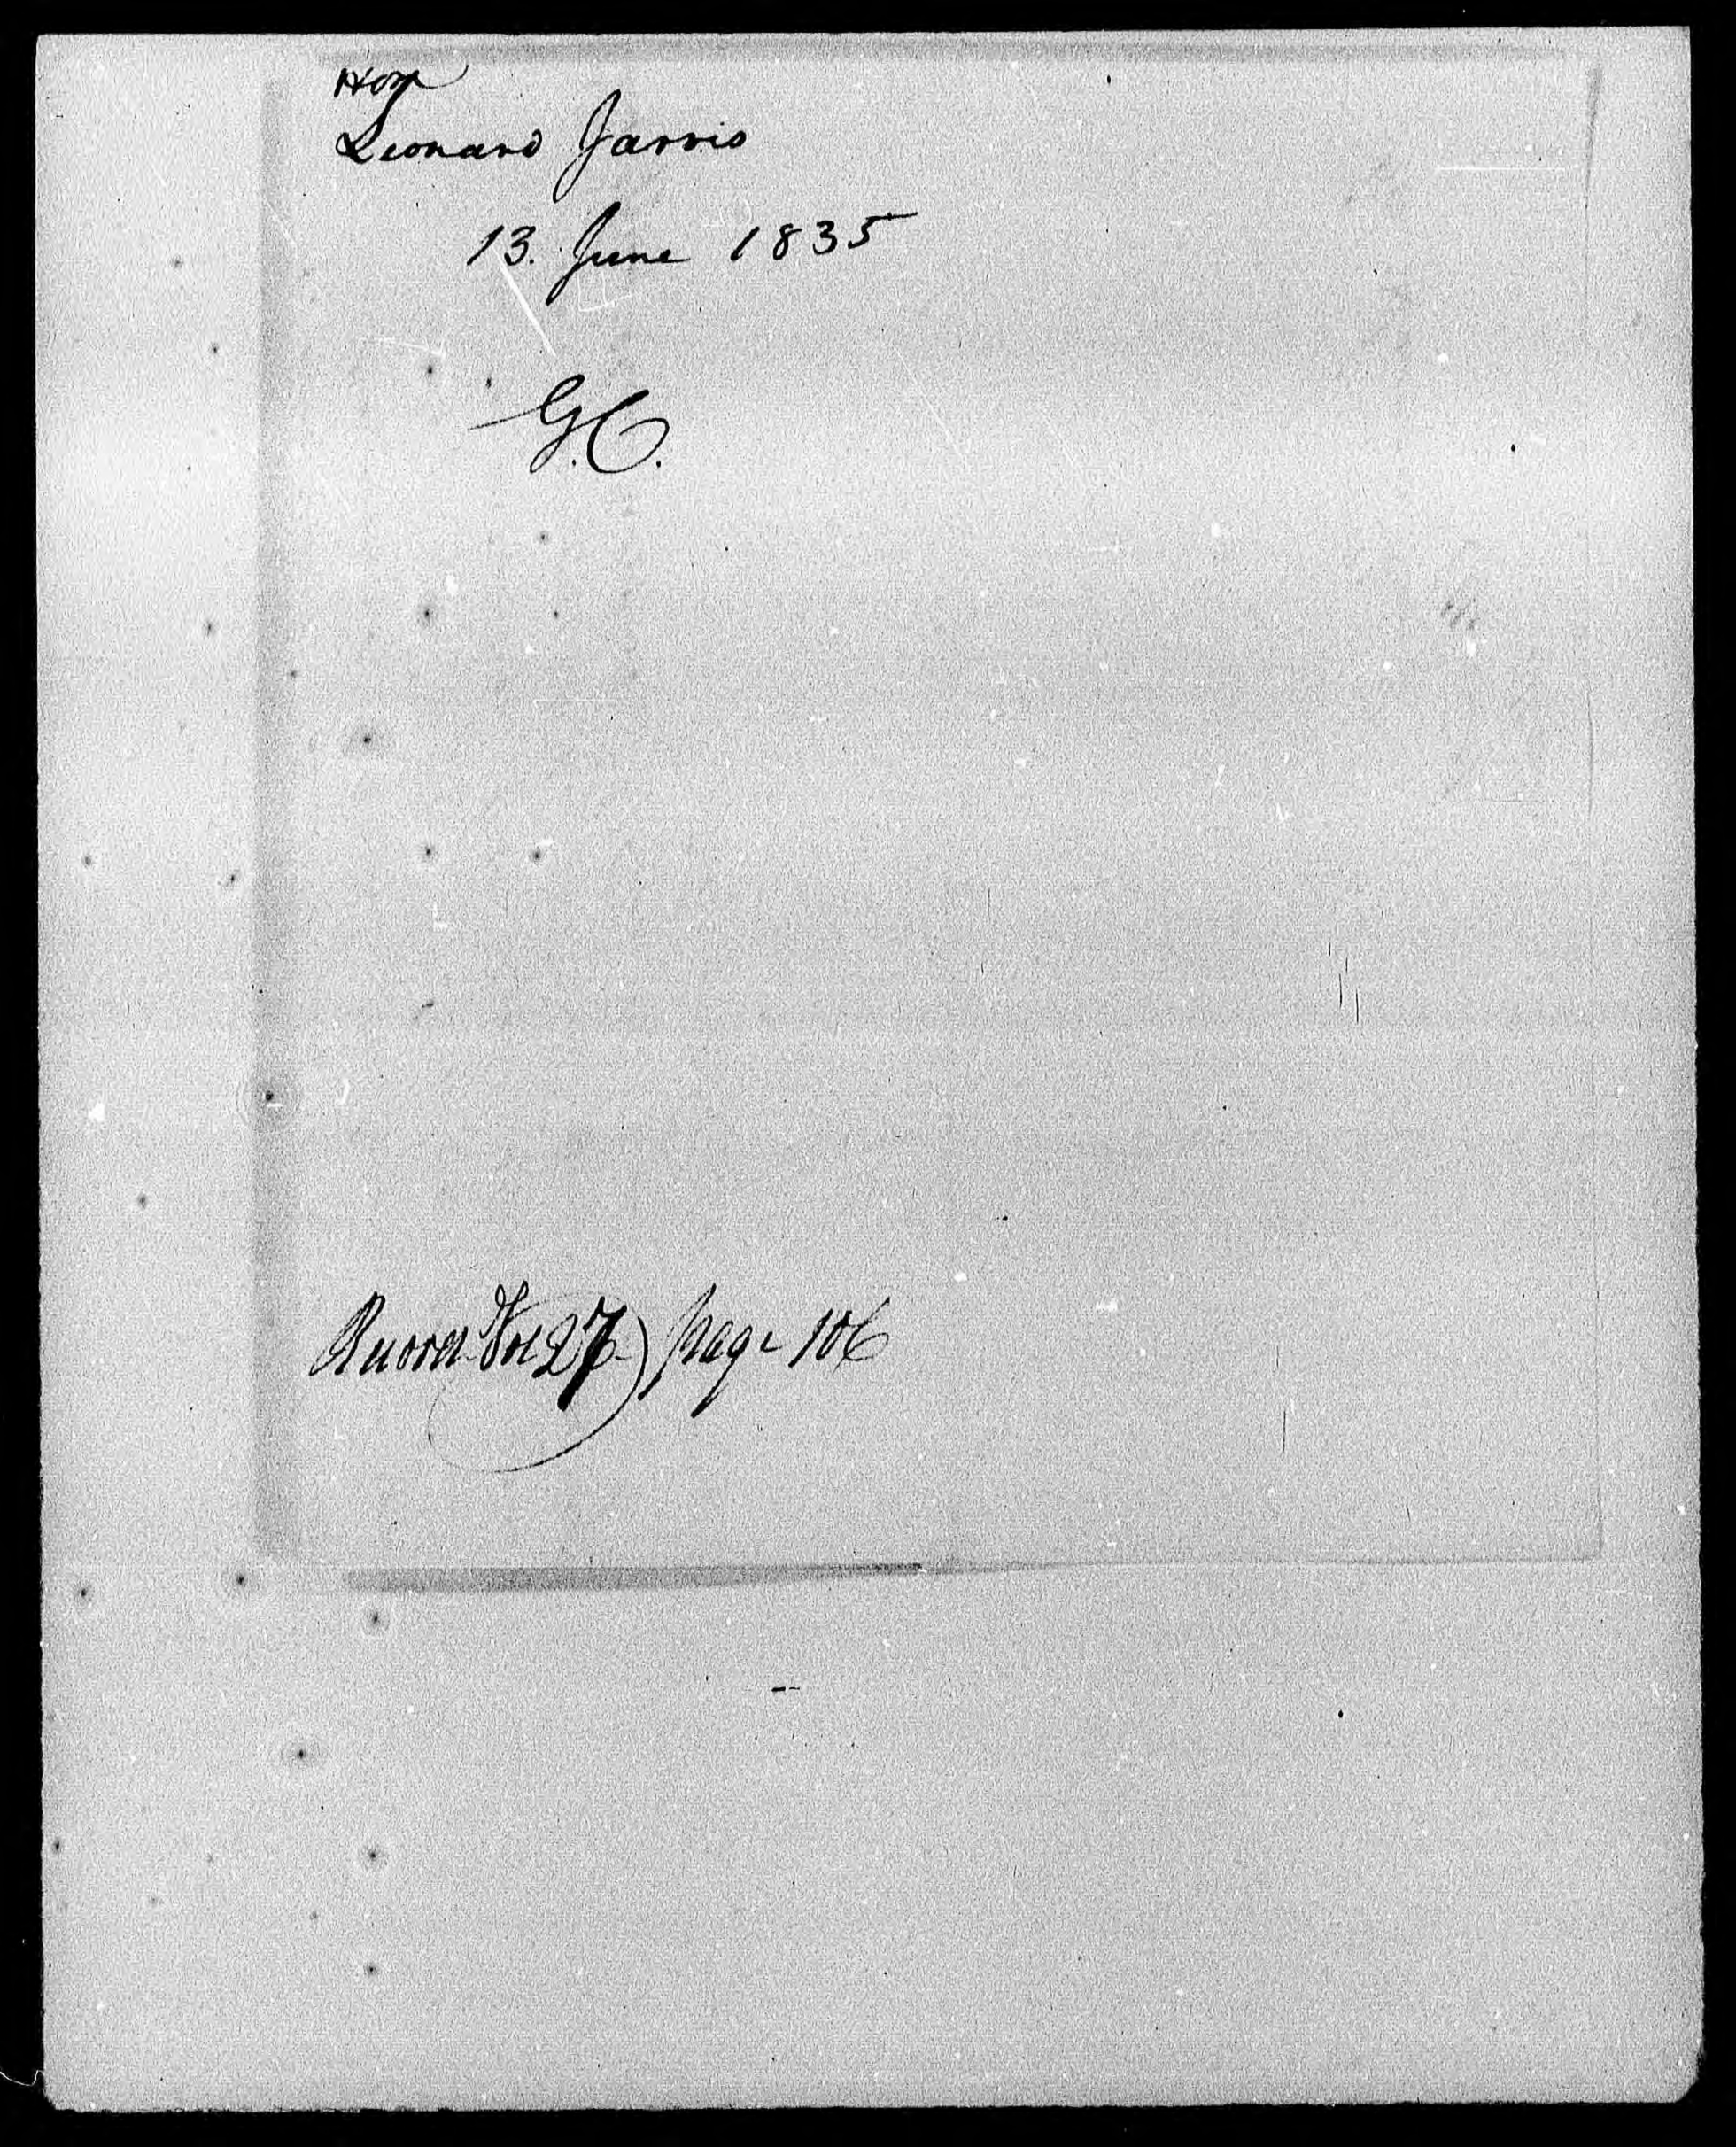Leonard James 13 June 1835 
GC (illegible)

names: Leonard Jarvis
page: 48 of 52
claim: survivor's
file: S 17997, Nicholas Hawwawas, Mass.